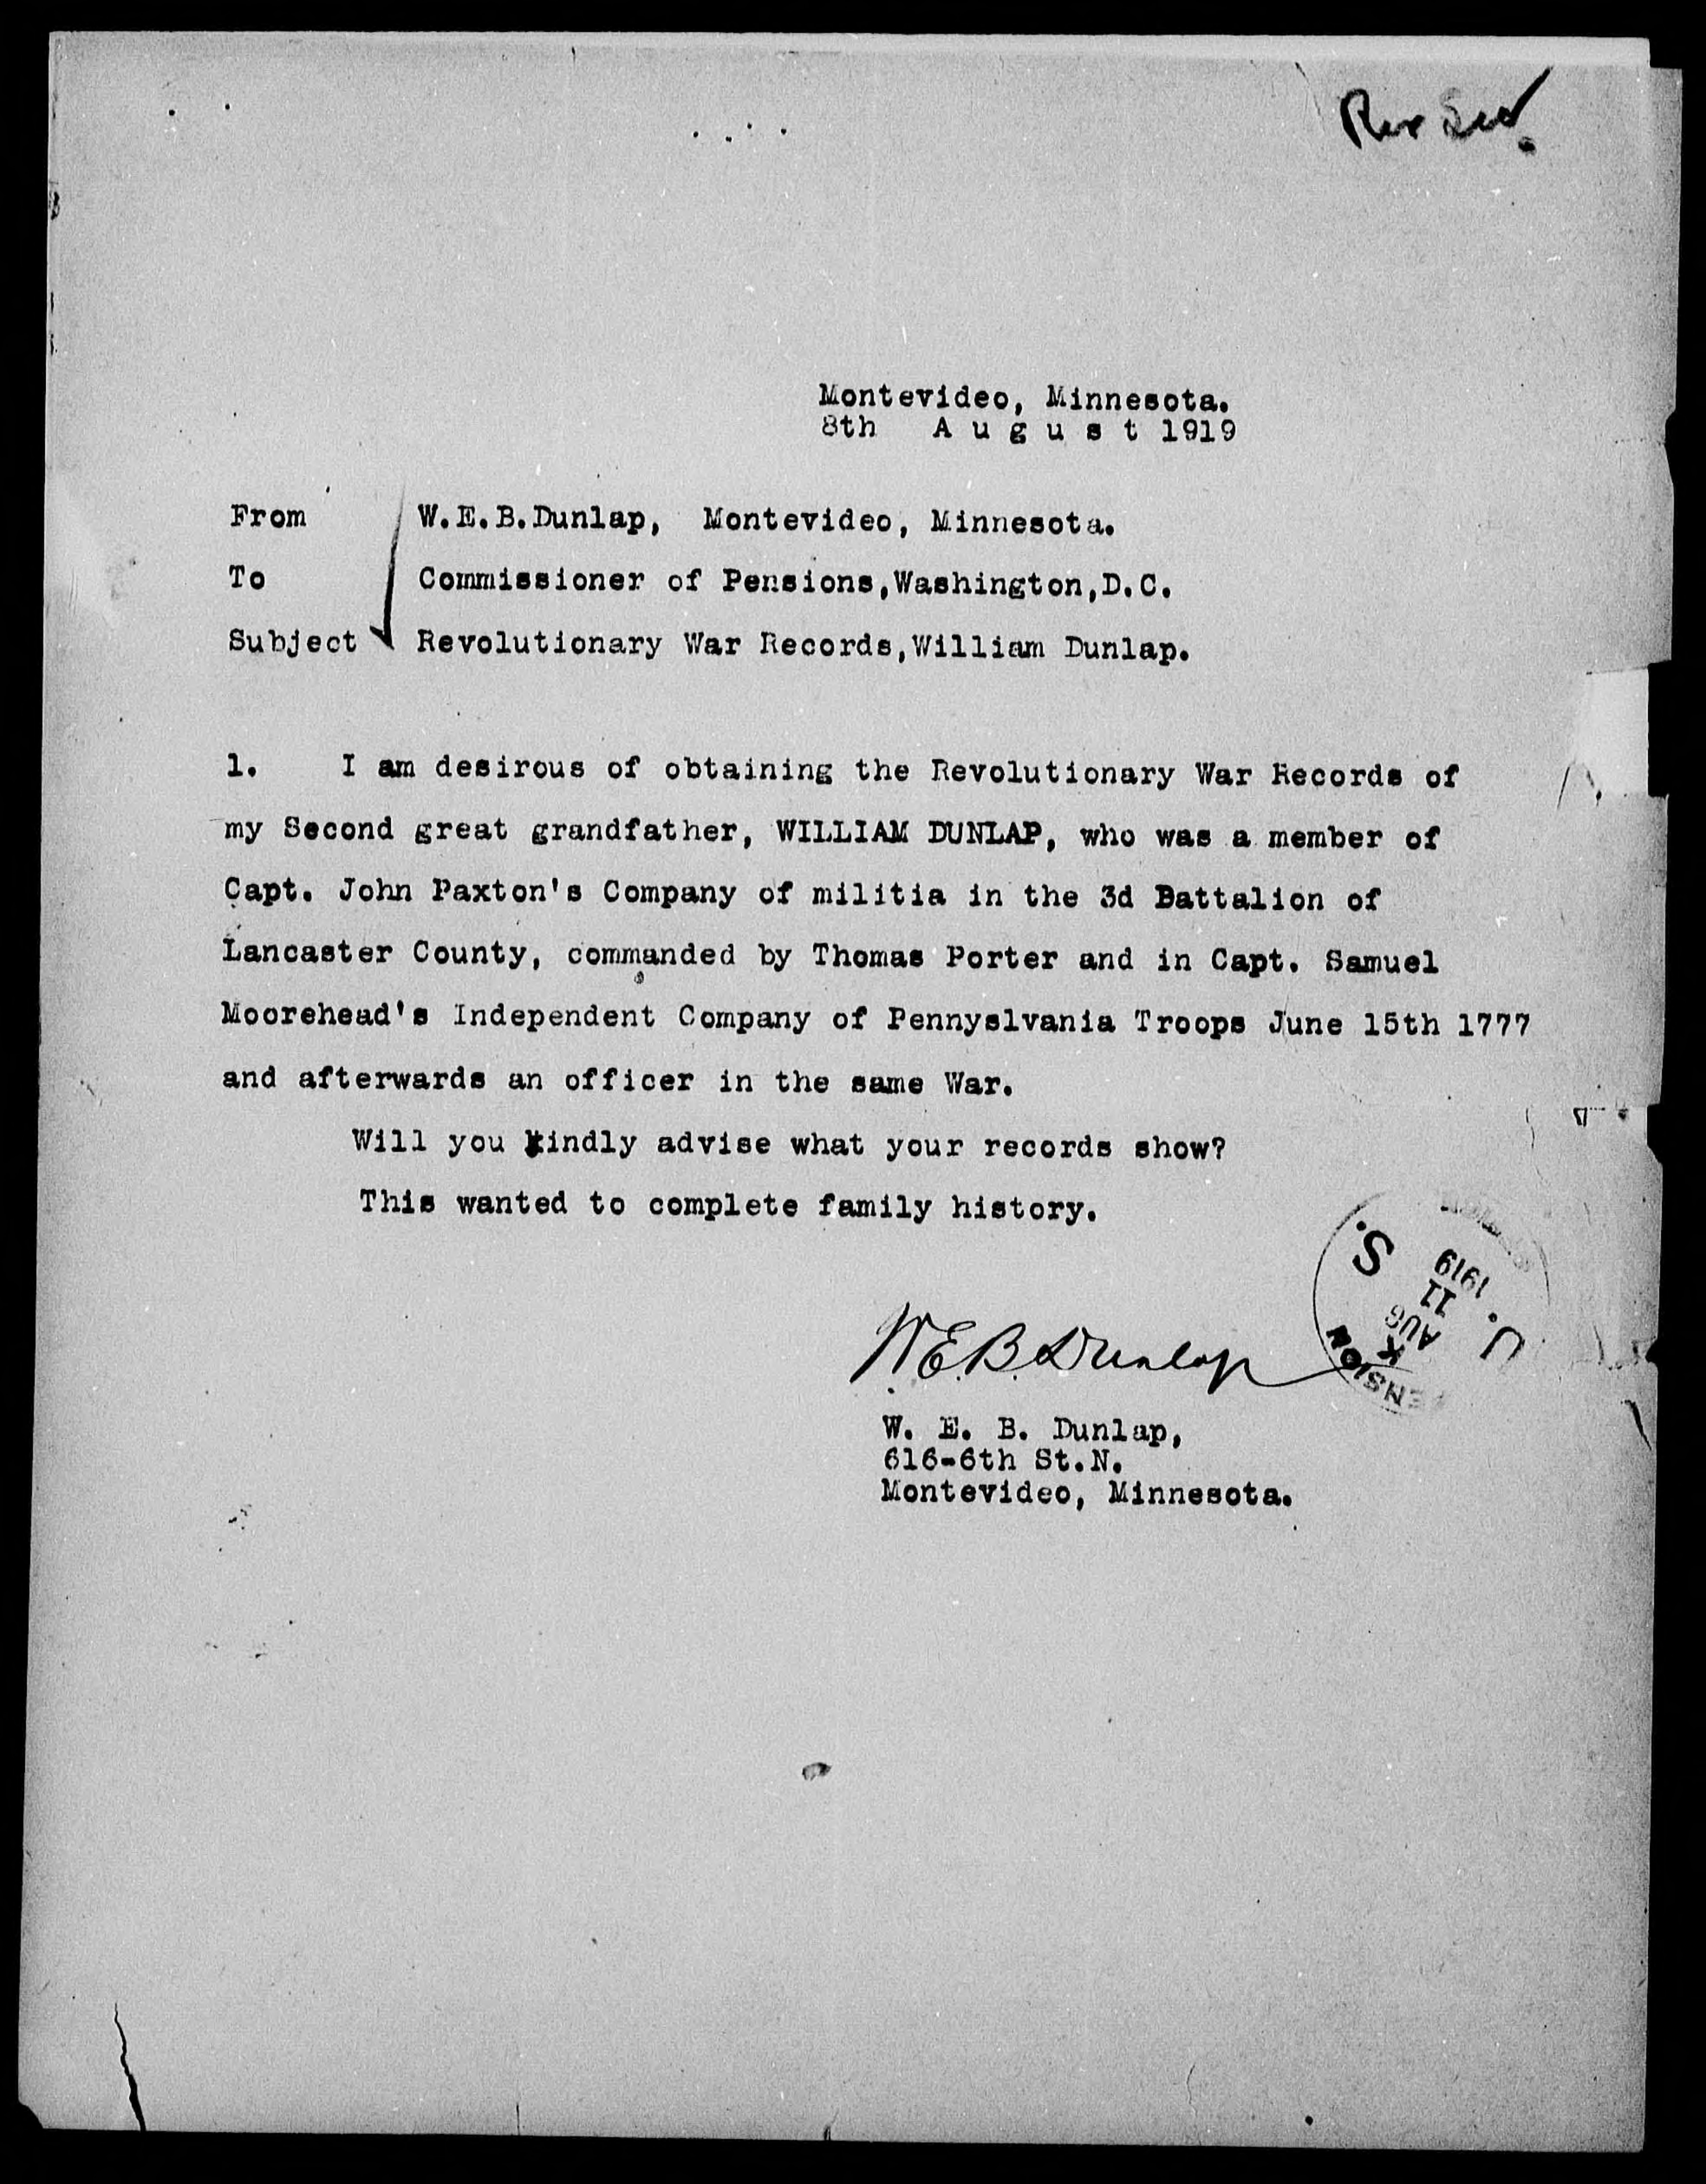[Typed]
Montevideo, Minnesota.
8th August 1919

From W.E.B. Dunlap, Montevideo, Minnesota.
To Commissioner of Pensions, Washington, D.C.
Subject Revolutionary War Records, William Dunlap.

1.  I am desirous of obtaining the Revolutionary War Records of my Second great grandfather, WILLIAM DUNLAP, who was a member of Capt. John Paxton's Company of militia in the 3d Battalion of Lancaster County, commanded by Thomas Porter and in Capt. Samuel Moorehead's Independent Company of Pennsylvania Troops June 15th 1777 and afterwards and officer in the same War.
Will you kindly advise what your records show?
This wanted to complete family history.  [signed] W.E. B. Dunlap 616-6th St. N. Montevideo, Minnesota.

[Stamped] U.S. PENSION OFFICE K AUG 11 1919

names: W E B Dunlap, William Dunlap, Thomas Porter, W E B Dunlap, William Dunlap, W E B Dunlap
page: 22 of 24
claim: survivor's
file: S. 15,415, William Dunlap, Penn.